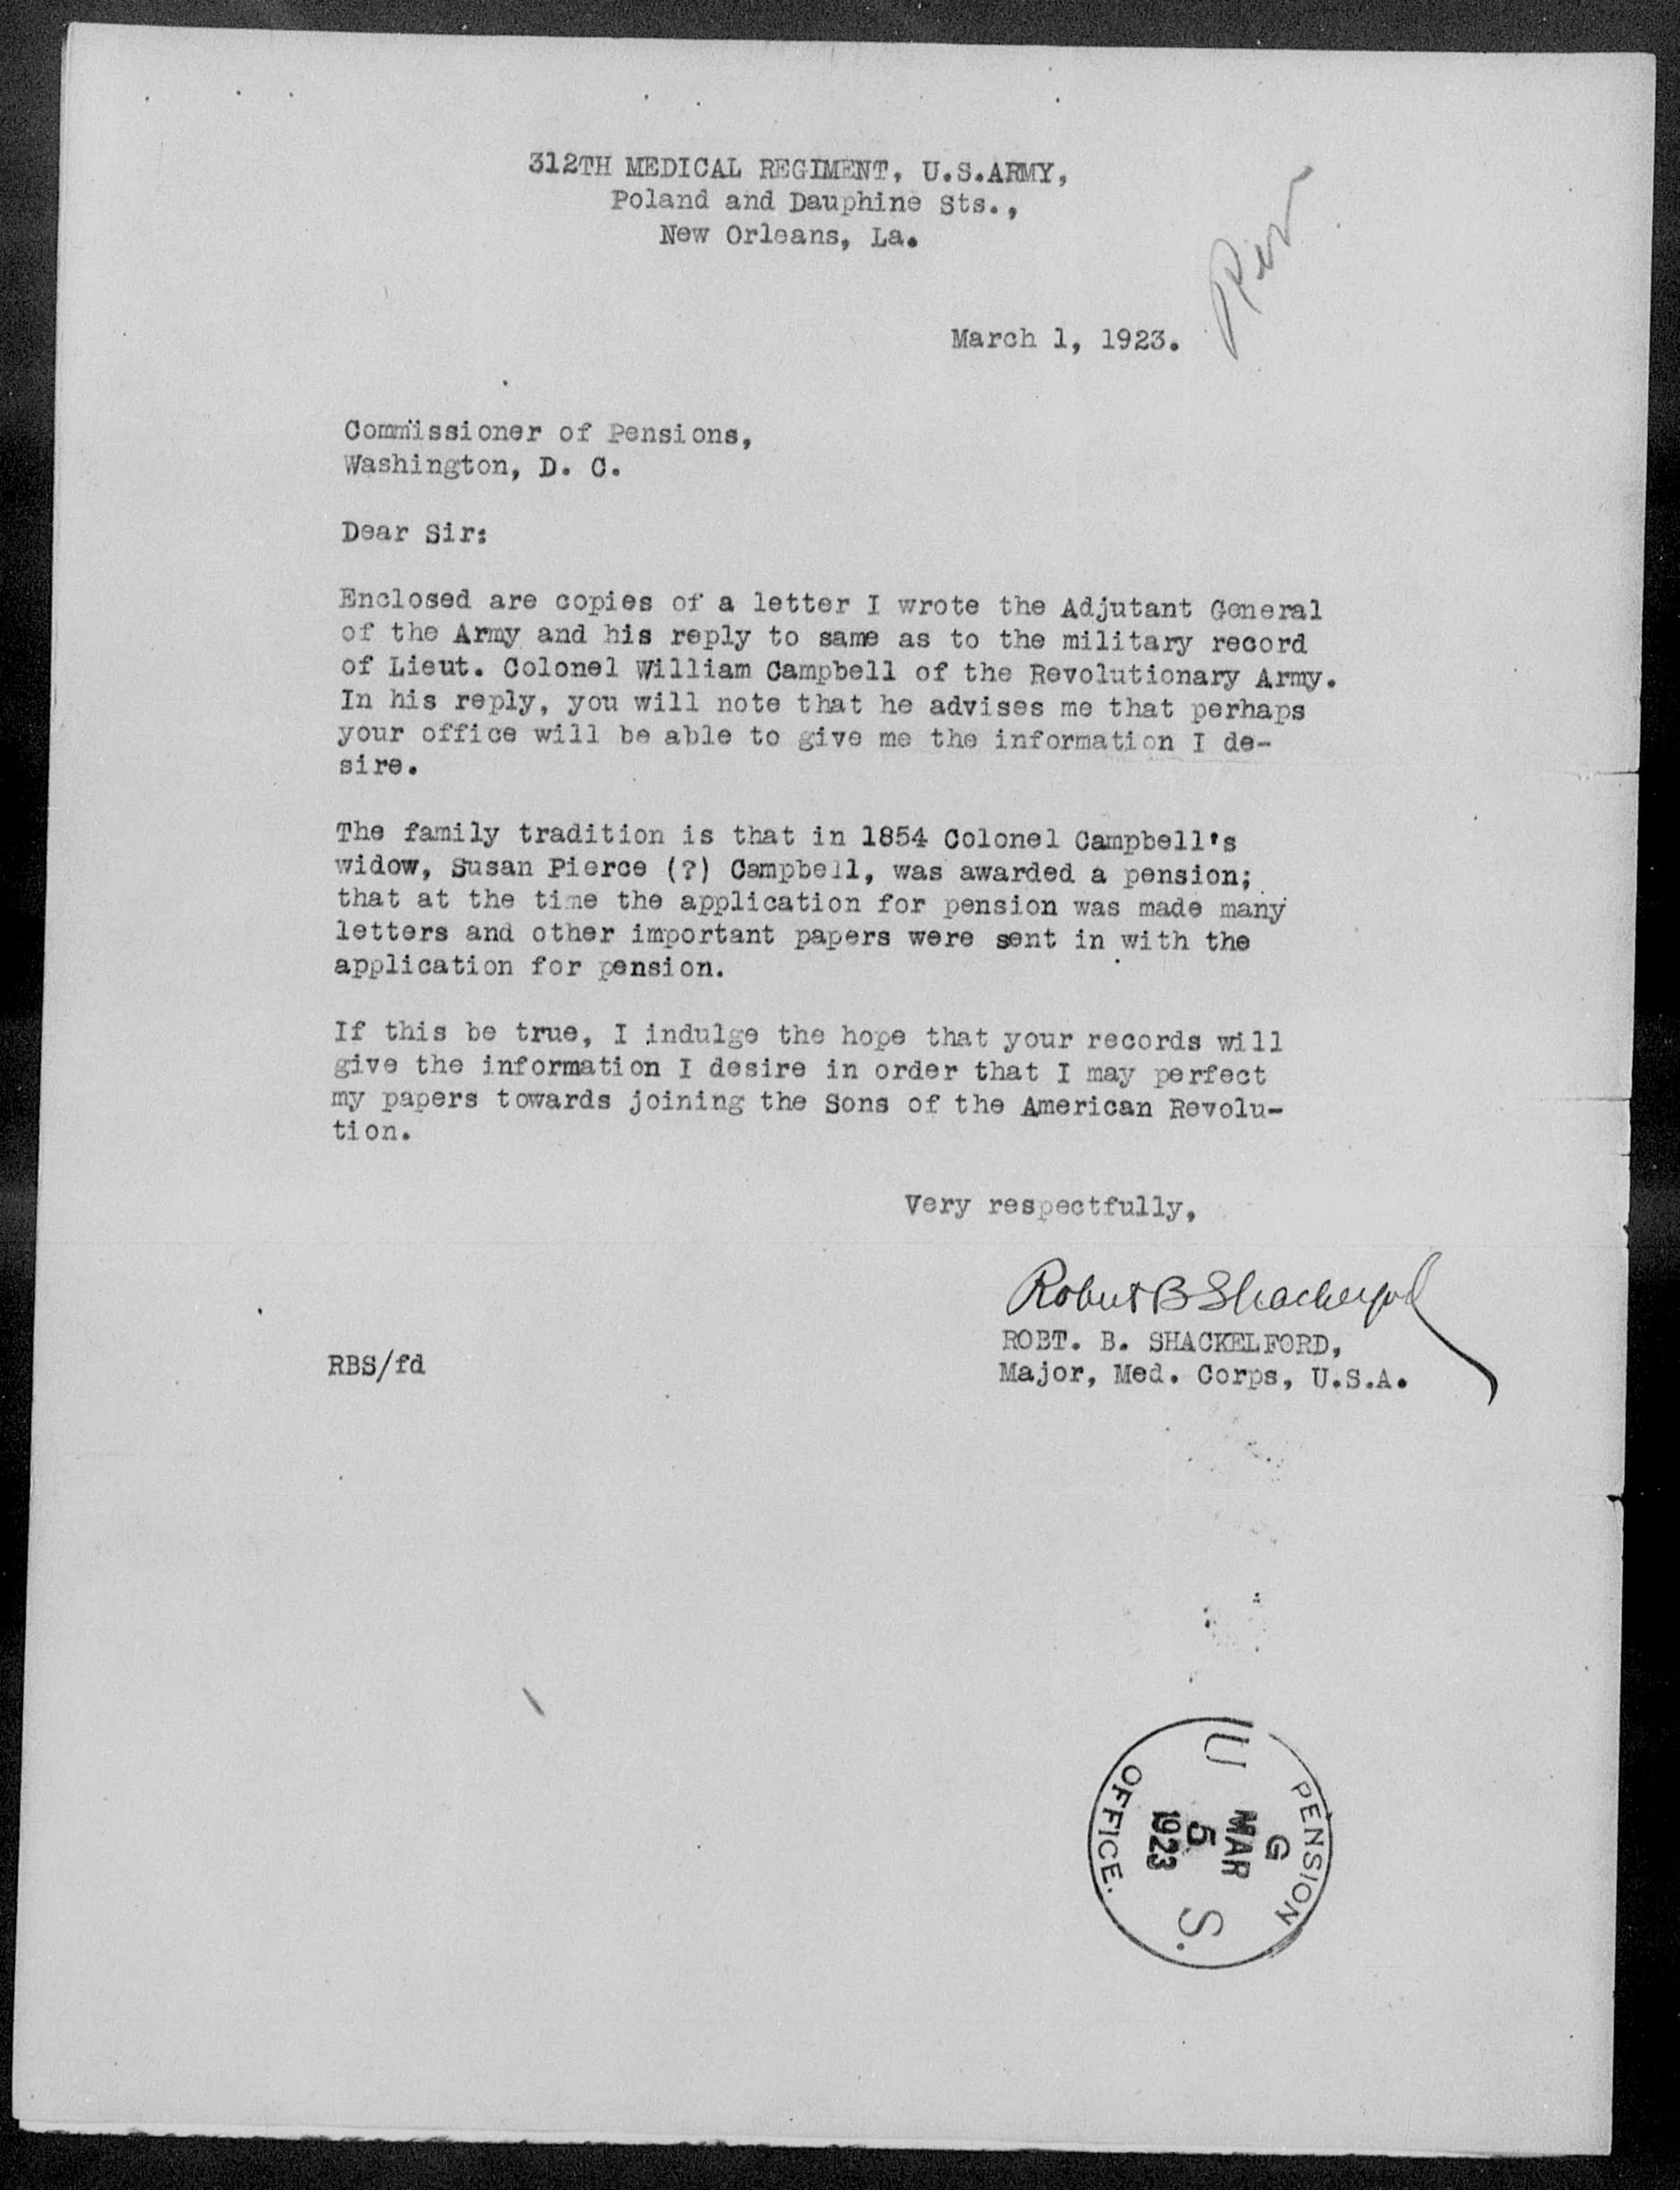312TH MEDICAL REGIMENT, U.S.ARMY,
Poland and Dauphine Sts.,
New Orleans, La.

March 1, 1923.
Commissioner of Pensions,
Washington, D. C.

Dear Sir:

Enclosed are copies of a letter I wrote the Adjutant General of the Army and his reply to same as to the military record of Lieut. Colonel William Campbell of the Revolutionary Army. In his reply, you will note that he advises me that perhaps your office will be able to give me the information I desire.

The family tradition is that in 1854 Colonel Campbell's widow, Susan Pierce (?) Campbell, was awarded a pension; that at the time the application for pension was made many letters and other important papers were sent in with the application for pension.

If this be true, I indulge the hope that your records will give the information I desire in order that I may perfect my papers towards joining the Sons of the American Revolution.

Very respectfully,
[signed] Robert B Shackelford
ROBT. B. SHACKELFORD,
Major, Med. Corps, U.S.A.

RBS/fd

[stamp]
PENSION
G
MAR
1 5 S.
1923
OFFICE.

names: Campbell, William Campbell, Susan Campbell, Robert B Shackelford, Robt B Shackelford, Susan Pierce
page: 151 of 267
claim: widow's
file: W. 4,149, William Campbell, Va.